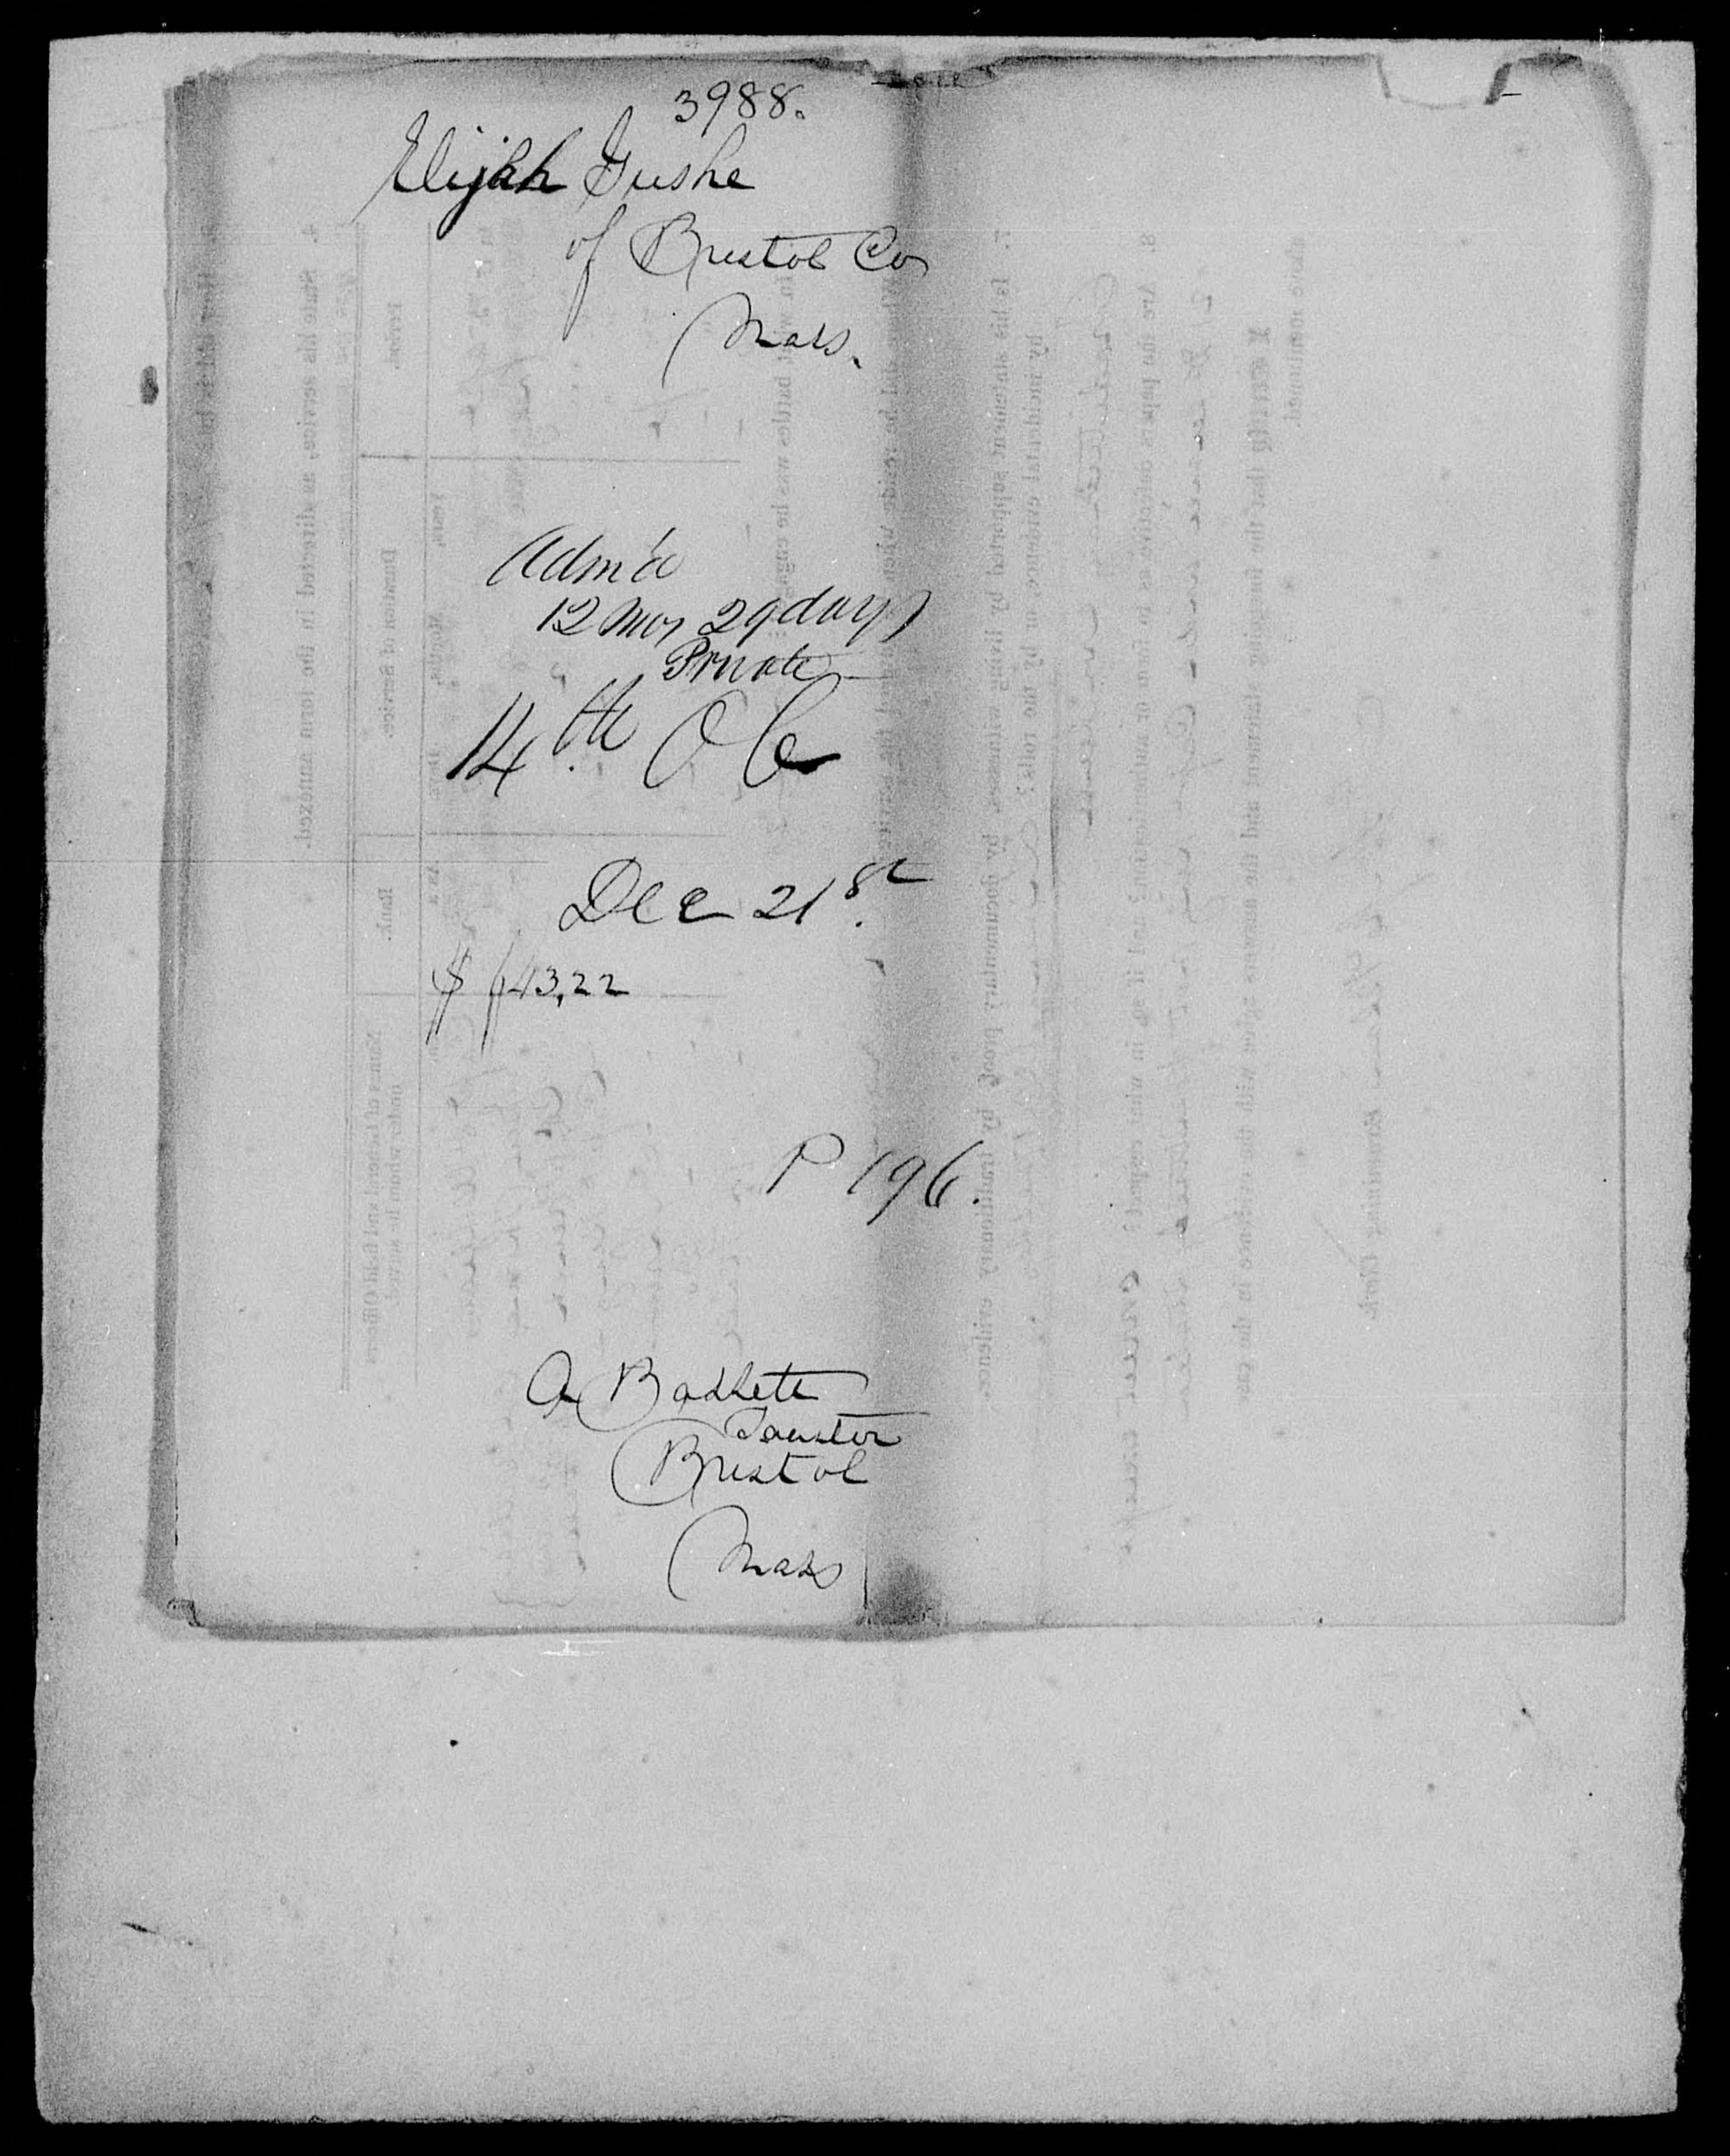3988
Elijah Gushe
of Bristol Co
Mass. 

Adm'd
12 mos  29 days
Private

14th Ob

Dec 21st
$643,22

P. 196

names: Elijah Gushe, A Bassett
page: 18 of 36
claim: widow's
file: W. 8838, Elijah Gushee, Mass.